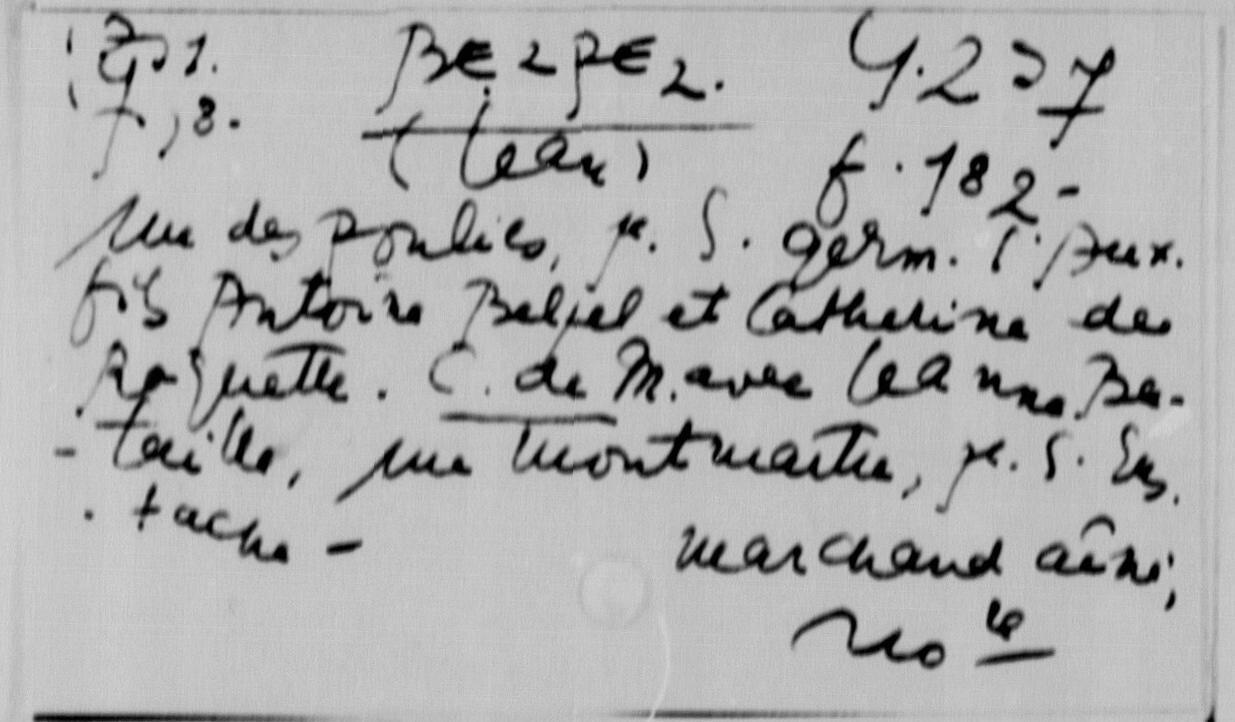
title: BELPEL (Jean)
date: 1701-1718
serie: Y
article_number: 297
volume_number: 182
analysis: Rue des Poulies, paroisse Saint-Germain-l'Auxerrois. Antoine Belpel et Catherine de Raguette. Contrat de mariage avec Jeanne Bataille, rue Montmartre, paroisse Saint-Eustache. Marchand aîné, notaire.
